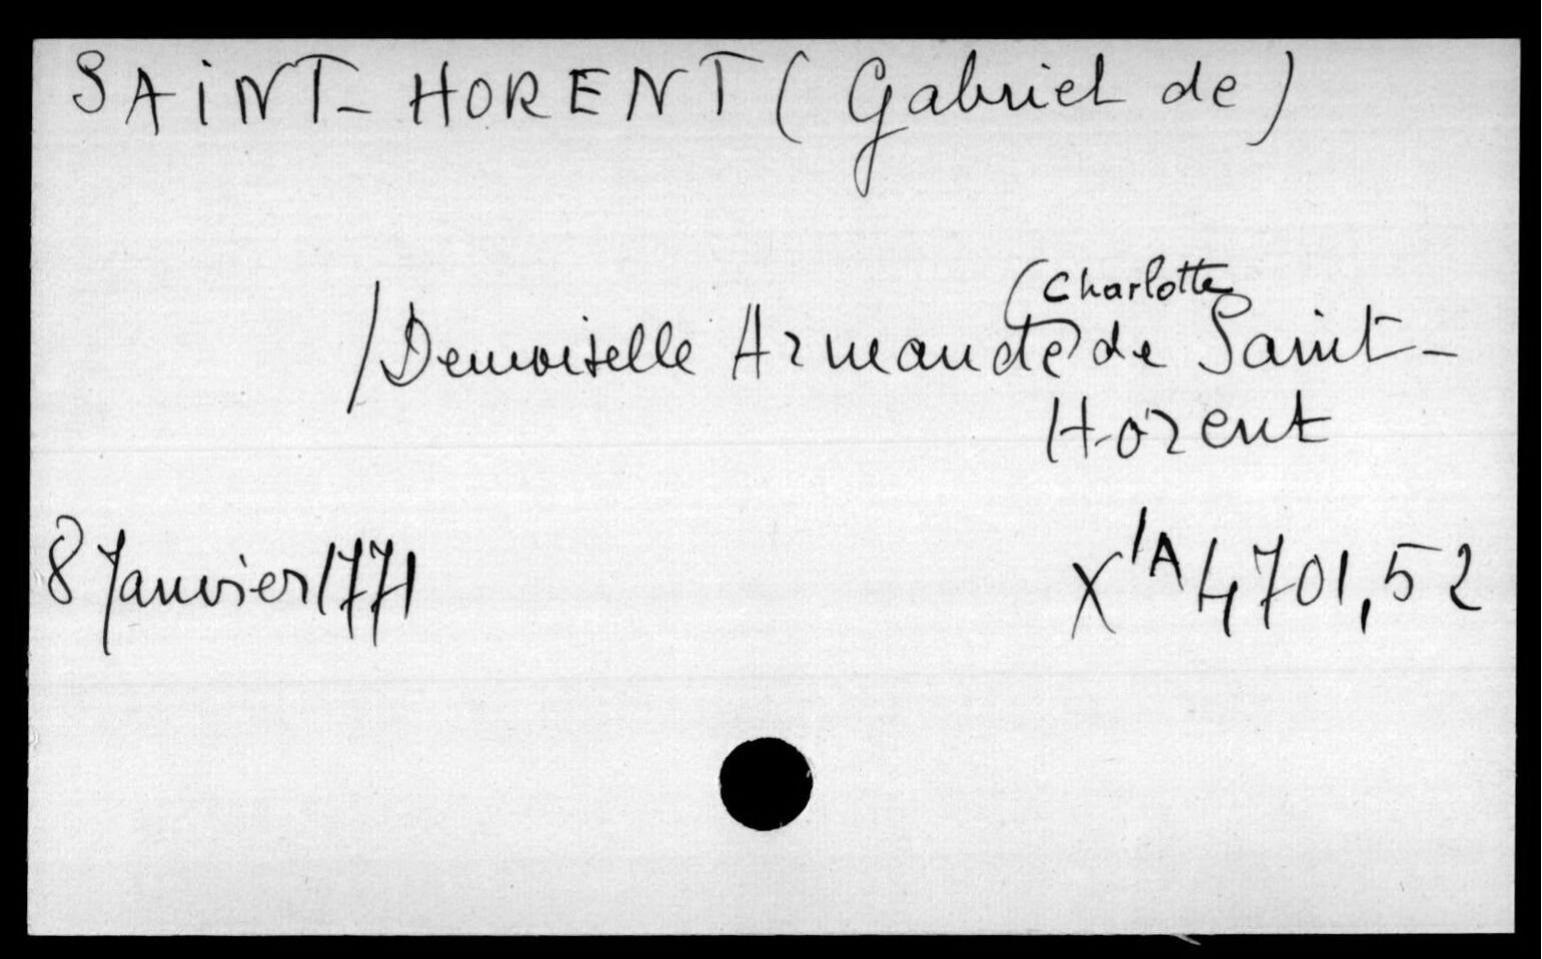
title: SAINT-HORENT (Gabriel de)
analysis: Contre demoiselle Armande Charlotte de Saint-Horent
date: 8 janvier 1771
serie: X1A
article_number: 4701
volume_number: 52
